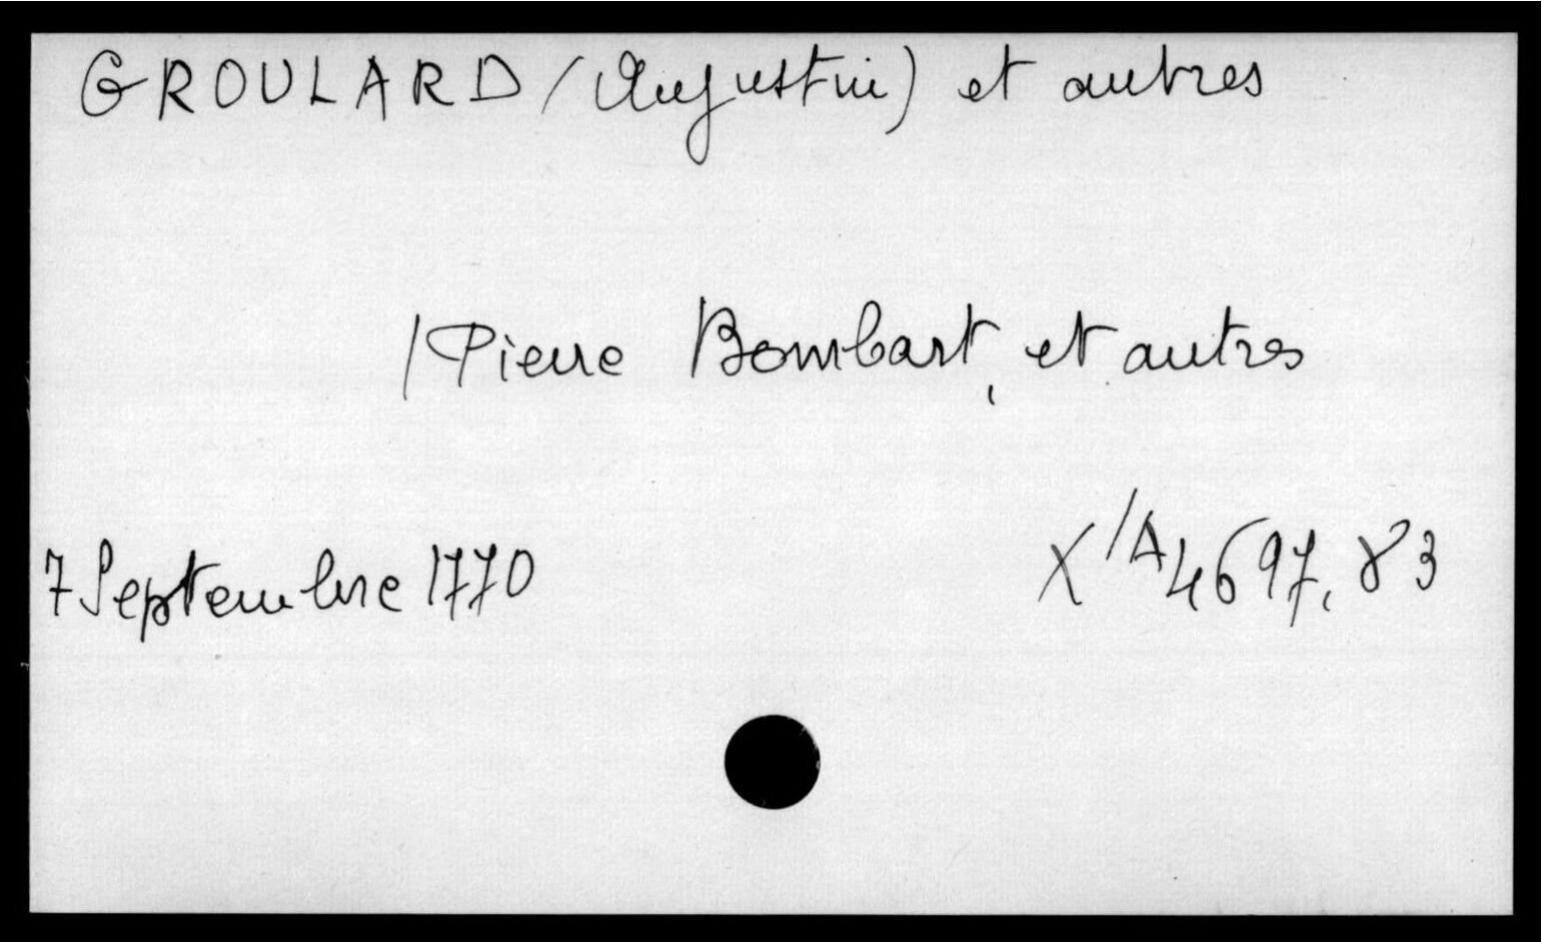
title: GROULARD (Augustin) et autres
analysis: Contre Pierre Bombart, et autres
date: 7 septembre 1770
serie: X1A
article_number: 4697
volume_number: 83
